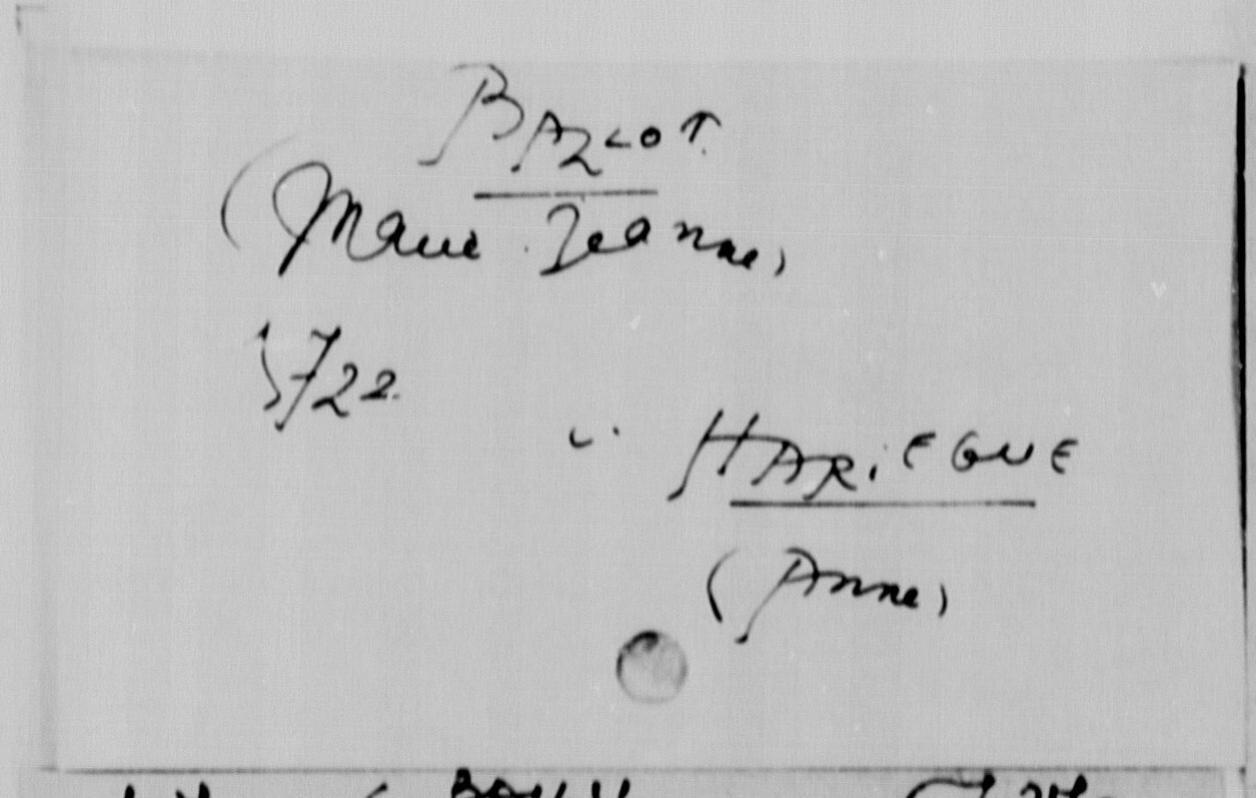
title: BALLOT (Marie-Jeanne)
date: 1722
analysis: Voir HARIEGUE (Anne)
